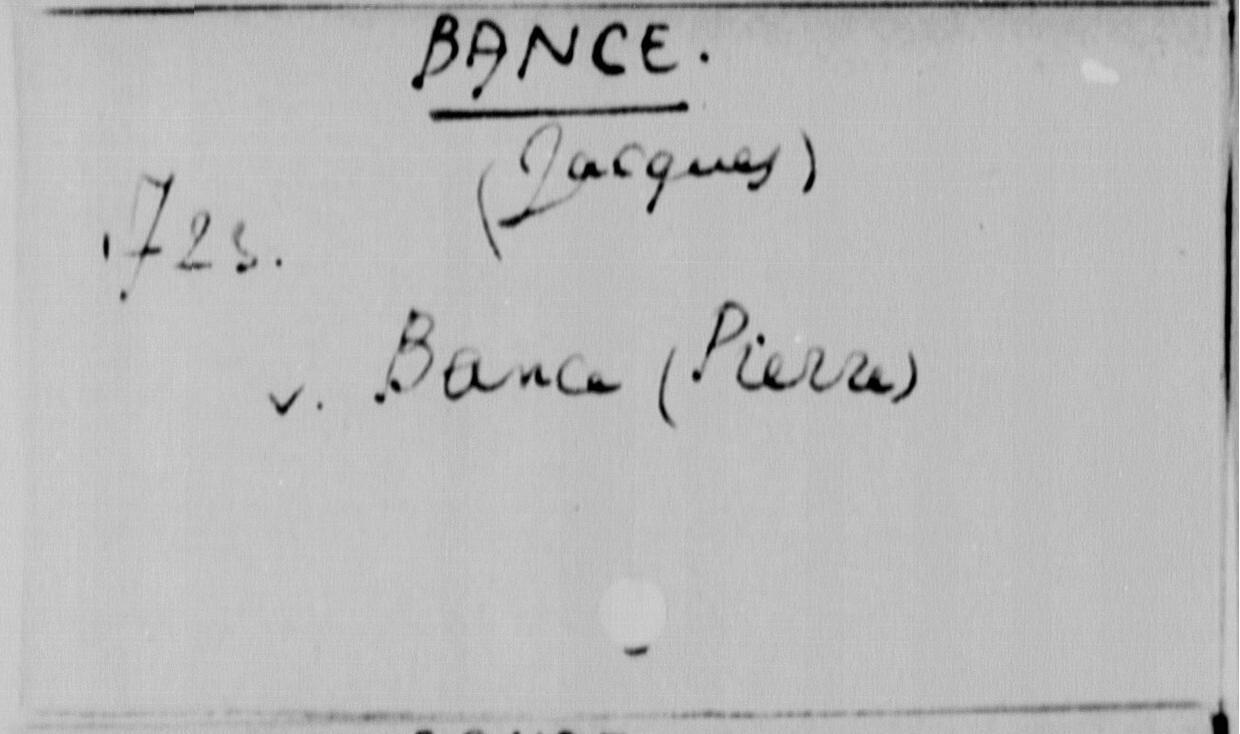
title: BANCE (Jacques)
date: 1723
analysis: Voir BANCE (Pierre)
